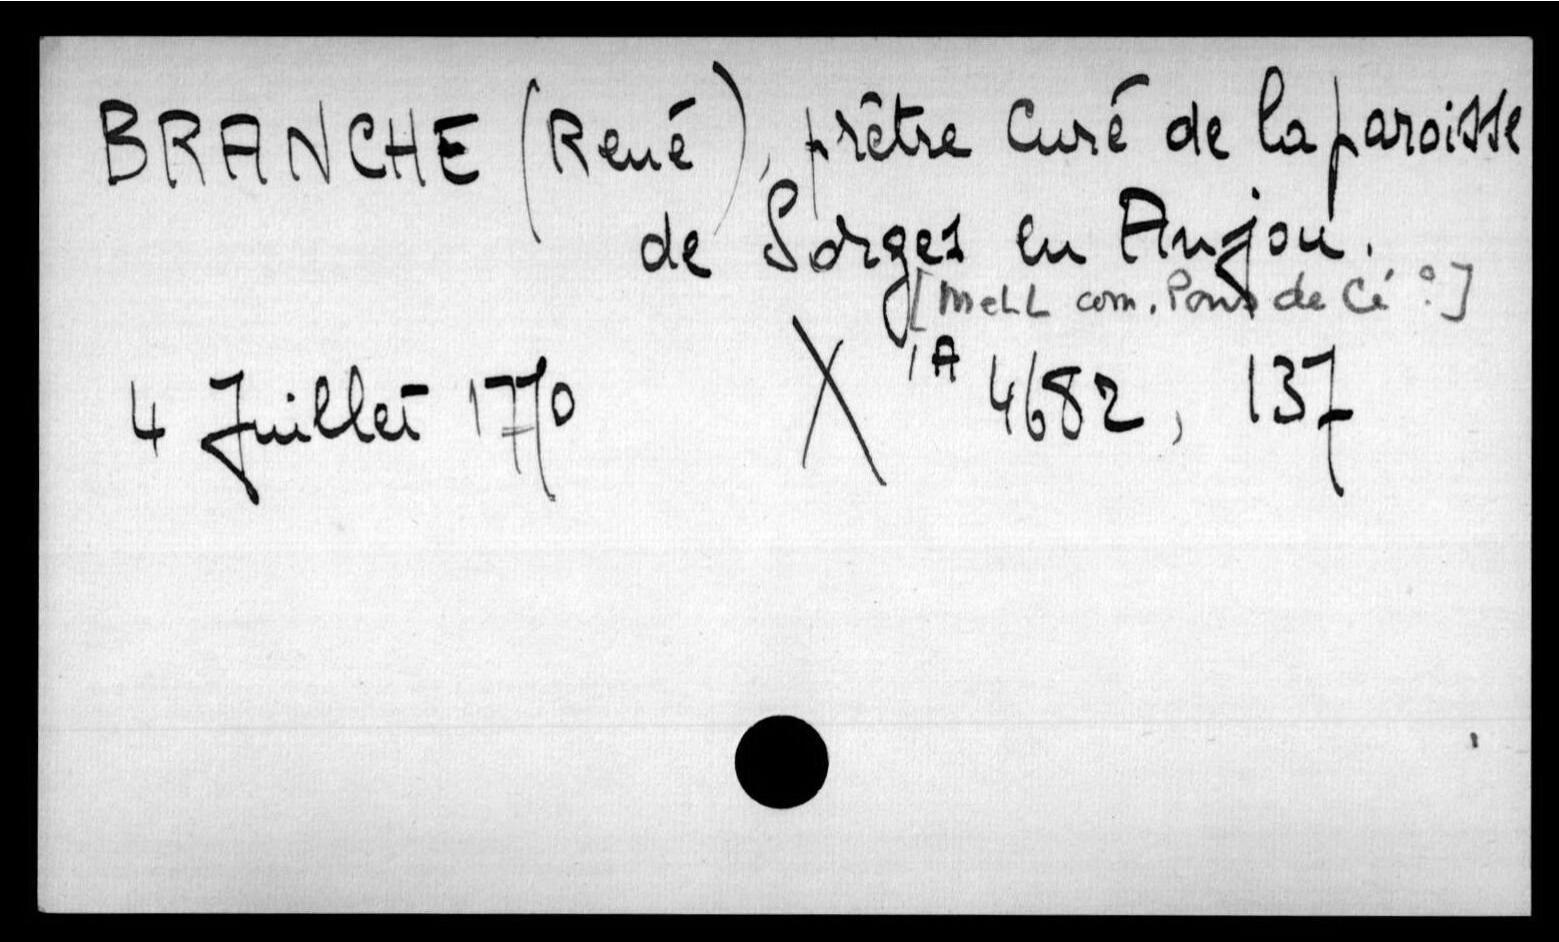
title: BRANCHE (René), prêtre curé de la paroisse de Sorges en Anjou. [Maine-et-Loire, commune Pons de Cé ?]
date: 4 juillet 1770
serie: X1A
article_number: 4682
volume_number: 137
